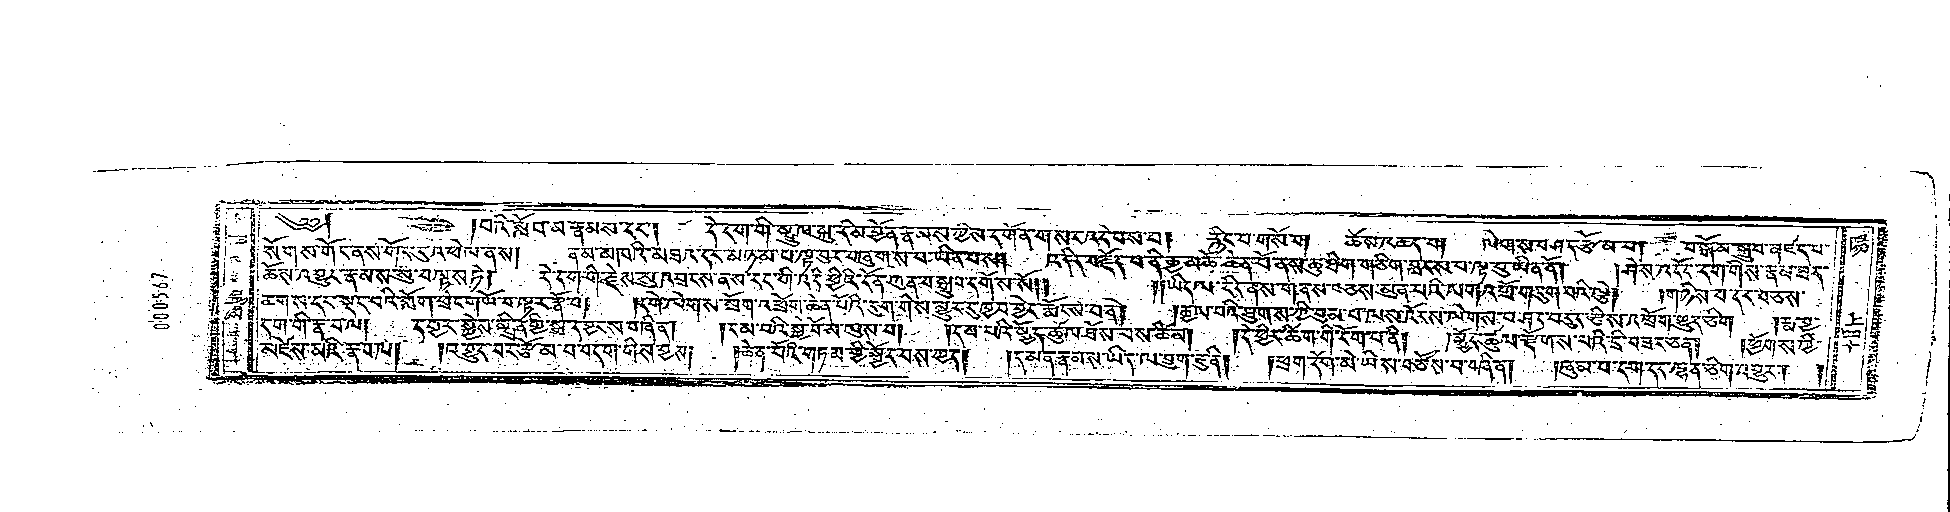༄༅། །བའི་སློབ་མ་རྣམས་དང་། དེ་དག་གི་སྤྲུལ་སྐུ་རིམ་བྱོན་རྣམས་ཀྱིས་དགོན་གསང་འདེབས་པ། རྙིང་པ་གསོ་བ། ཆོས་འཆད་པ། ལེགས་བཤད་རྩོམ་པ། བསྒོམ་སྒྲུབ་མཛད་པ་
སོགས་གོང་ནས་གོང་དུ་འཕེལ་ནས། ནམ་མཁའི་མཐའ་དང་མཉམ་པ་ལྟ་བུར་བཞུགས་པ་ཡིན་པས། འདིར་བརྗོད་པ་ནི་རྒྱ་མཚོ་ཆེན་པོ་ནས་ཆུ་ཐིག་གཅིག་བླངས་པ་ལྟ་བུ་ཡིན་ནོ། །ཤེས་འདོད་དག་གིས་རྣམ་ཐར་
ཆོས་འབྱུང་རྣམས་སུ་བལྟས་ཏེ། དེ་དག་གི་རྗེས་སུ་འབྲངས་ནས་རང་གི་འདི་ཕྱིའི་དོན་ཀུན་བསྒྲུབ་དགོས་སོ།། །།ཡིད་ལ་རིང་ནས་གནས་བཅས་མུན་པའི་ལག་འགྲོ་གདུག་བའི་ལྕེ། །གཉིས་པ་དང་བཅས་
ཆགས་དང་སྡང་བའི་གློག་ཕྲེང་གཡོ་བ་ལྟར་རྣོ་བ། །དགེ་ལེགས་སྲོག་འཕྲོག་ཆེན་པོའི་དུག་གིས་མྱུར་དུ་ཁྱབ་བྱེད་རྨོངས་བ་ནི། །རྒྱལ་བའི་ཐུགས་ཀྱི་བུམ་པ་ལས་འོངས་ལེགས་བཤད་བདུད་རྩིས་འཕྲོག་གྱུར་ཅིག །རྨ་བྱ་
དག་གི་རྣ་བ་ལ། དབྱར་སྐྱེས་སྤྲིན་གྱི་སྒྲ་དབྱངས་བཞིན། །དམ་བའི་སྐྱེ་བོ་མ་ལུས་པ། །དམ་པའི་སྤྱོད་ཚུལ་ཐོས་པས་ཚིམ། །དེ་ཕྱིར་ཚིག་གི་ངོག་པ་ནི། །སྤྱོད་ཚུལ་རྫོགས་པའི་དྲི་བཟང་ཅན། །ཕྱོགས་ཀྱི་
མཛེས་མའི་རྣབ་ལ། །འབྱུང་བར་རྩོམ་བ་བདག་གིས་བྱས། །ཆེན་པོའི་གཏམ་གྱི་སྦྱོར་བས་ཀྱང་། །དམན་རྣམས་ཡིད་ལ་བྲུག་རྡུ་ནི། །ཕྲག་དོག་མེ་ཡིས་བཙོས་བ་བཞིན། །ཞུམ་བ་དག་དང་ལྷན་ཅིག་འབྱུང་།